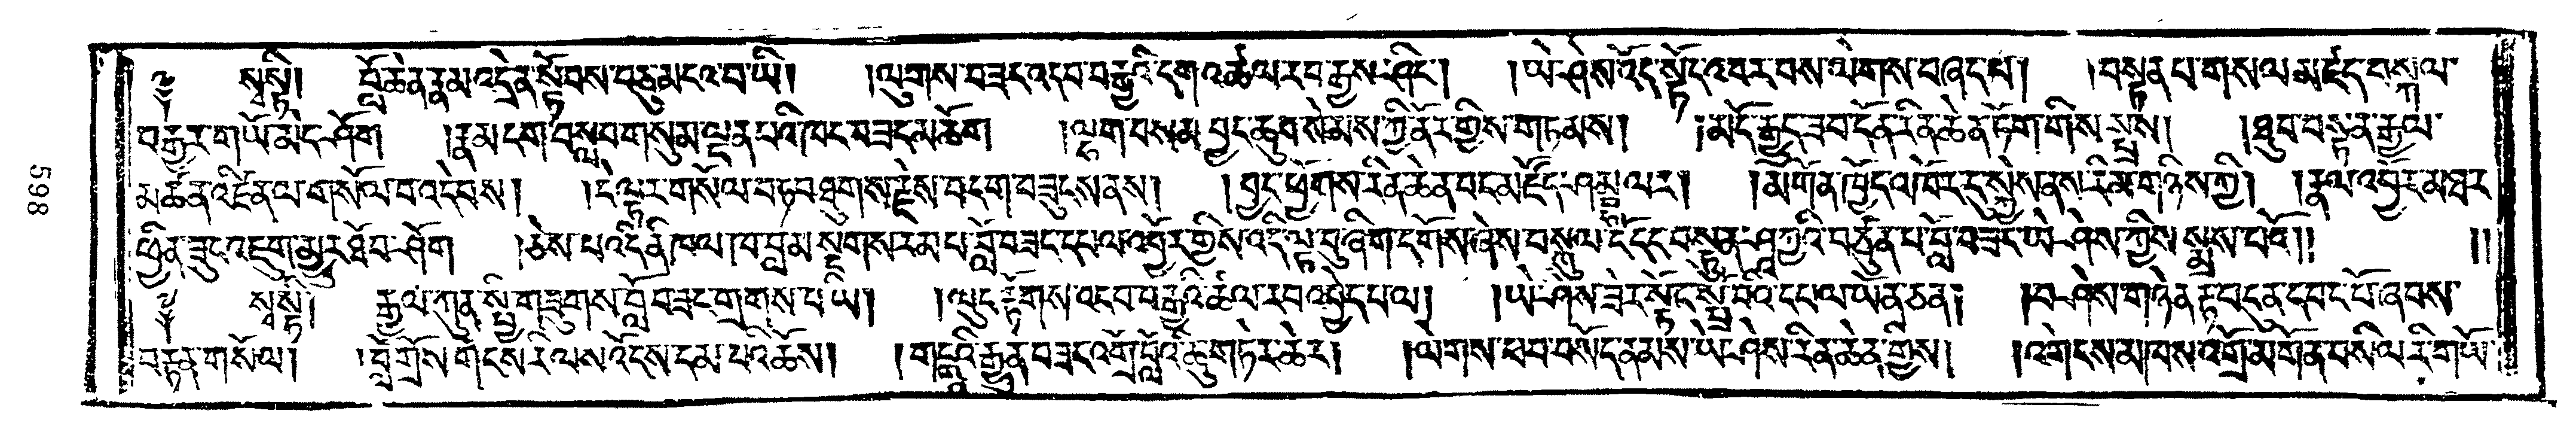༈ སྭསྟི། བློ་ཆེན་རྣམ་འདྲེན་སྟོབས་བཅུ་མངའ་བ་ཡི། །ལུགས་བཟང་འདབ་བརྒྱའི་དག་འཚལ་རབ་རྒྱས་ཤིང་། །ཡེ་ཤེས་འོད་སྟོང་འབར་བས་ལེགས་བཞད་པ། །བསྟན་པ་གསལ་མཛད་བསྐལ་
བརྒྱར་གཡོ་མེད་ཤོག །རྣམ་དག་བསླབ་གསུམ་ལྡན་པའི་ཁང་བཟང་མཆོག །ལྷག་བསམ་བྱང་ཆུབ་སེམས་ཀྱི་ནོར་གྱིས་གཏམས། །མདོ་རྒྱུད་ཟབ་དོན་རིན་ཆེན་ཏོག་གིས་སྤྲས། །ཐུབ་བསྟན་རྒྱལ་
མཚན་འཛིན་ལ་གསོལ་བ་འདེབས། །དེ་ལྟར་གསོལ་བཏབ་ཐུགས་རྗེས་བདག་བཟུངས་ནས། །བྱང་ཕྱོགས་རིན་ཆེན་བང་མཛོད་ཤམྦྷ་ལར། །མགོན་ཁྱོད་འཁོར་དུ་སྐྱེས་ནས་རིམ་གཉིས་ཀྱི། །རྣལ་འབྱོར་མཐར་
ཕྱིན་ཟུང་འཇུག་མྱུར་ཐོབ་ཤོག །ཅེས་པ་འདི་ནི་ཁལ་ཁ་བླ་མ་སྔགས་རམ་པ་བློ་བཟང་དཔལ་འབྱོར་གྱིས་འདི་ལྟ་བུ་ཞིག་དགོས་ཞེས་བསྐུལ་ངོ་དང་བསྟུན་ཤཱཀྱའི་བཙུན་པ་བློ་བཟང་ཡེ་ཤེས་ཀྱིས་སྨྲས་པའོ།། །།
༈ སྭསྟི། རྒྱལ་ཀུན་སྤྱི་གཟུགས་བློ་བཟང་གྲགས་པ་ཡི། །ལུང་རྟོགས་འདབ་བརྒྱའི་ཚལ་རབ་འབྱེད་པ་ལ། །ཡེ་ཤེས་ཟེར་སྟོང་སྤྲོ་བའི་དཔལ་ཡོན་ཅན། །བཤེས་གཉེན་རྟ་བདུན་དབང་པོ་ཞབས་
བརྟན་གསོལ། །བློ་གྲོས་གངས་རི་ལས་འོངས་དམ་པའི་ཆོས། །གངྒཱའི་རྒྱུན་བཟང་འགྲོ་བློའི་ཆུ་གཏེར་ཆེར། །ལེགས་ཕབ་བསོད་ནམས་ཡེ་ཤེས་རིན་ཆེན་གྱིས། །འགེངས་མཁས་འགྲོ་མགོན་བསིལ་རི་གཡོ་